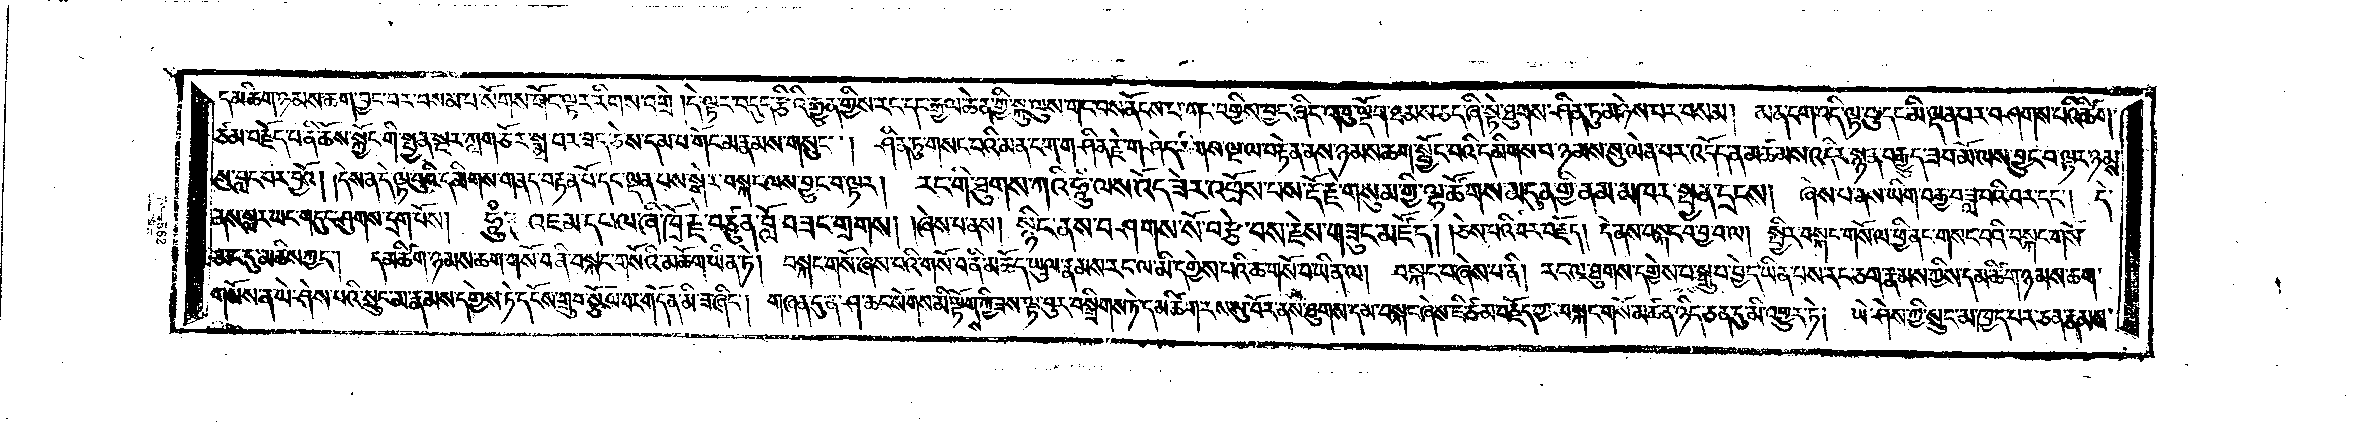དམ་ཚིག་ཉམས་ཆག་བྱང་བར་བསམ་པ་སོགས་གོང་ལྟར་རིགས་འགྲེ་།དེ་ལྟར་བདུད་རྩིའི་རྒྱུན་གྱིས་རང་དང་རྒྱལ་ཆེན་གྱི་སྐུ་ལུས་གང་བས་ནོངས་པ་གང་བགྱིས་བྱང་ཞིང་འཁུ་ལྡོག་ཐམས་ཅད་ཞི་སྟེ་ཐུགས་ཤིན་ཏུ་མཉེན་པར་བསམ། མན་ངག་འདི་ལྟ་བུ་དང་མི་ལྡན་པར་བཤགས་པའི་ཚིག་
ཙམ་བརྗོད་པ་ནི་ཆོས་སྐྱོང་གི་སྦྱན་སྔར་ཀླག་ཅོར་སྨྲ་བར་ཟད་ཅེས་དམ་པ་གོང་མ་རྣམས་གསུངས། ཤིན་ཏུ་གསང་བའི་མན་ངག་གཤིན་རྗེ་གཤེད་རིགས་ལྔ་ལ་བརྟེན་ནས་ཉམས་ཆག་སྦྱོང་བའི་དམིགས་པ་ཉམས་སུ་ལེན་པར་འདོད་ན་མཚམས་འདིས་སྙན་བརྒྱུད་ཟབ་མོ་ལས་བྱུང་བ་ལྟར་ཉམས་
སུ་བླང་བར་བྱའོ། །དེས་ན་དེ་ལྟ་བུའི་དམིགས་གནད་བརྟན་པོ་དང་ལྡན་པས་སྒེར་བསྐང་ལས་བྱུང་བ་ལྟར། རང་གི་ཐུགས་ཀའི་ཧཱུཾ་ལས་འོད་ཟེར་འཕྲོས་པས་རྡོ་རྗེ་གསུམ་གྱི་ལྷ་ཚོགས་མདུན་གྱི་ནམ་མཁར་སྦྱན་དྲངས། ཞེས་པ་ནས་ཡིག་བརྒྱ་བཟླ་པའི་བར་དང་། དེ་
ནས་སླར་ཡང་གདུང་ཤུགས་དྲག་པོས། ཧཱུཾ༑ འཇམ་དཔལ་ཞི་ཁྲོ་རྗེ་བཙུན་བློ་བཟང་གྲགས། །ཞེས་པ་ནས། སྙིང་ནས་བཤགས་སོ་བརྩེ་བས་རྗེས་གཟུང་མཛོད། །ཅེས་པའི་བར་བརྗོད། དེ་ནས་བསྐང་བ་བྱ་བ་ལ། སྦྱིར་བསྐང་གསོལ་ཕྱི་ནང་གསང་བའི་བསྐང་གསོ་
མང་དུ་མཆིས་ཀྱང་། དམ་ཚིག་ཉམས་ཆག་གསོ་བ་ནི་བསྐང་གསོའི་མཆོག་ཡིན་ཏེ། བསྐང་གསོ་ཞེས་པའི་གསོ་བ་ནི་མཆོད་ཡུལ་རྣམས་རང་ལ་མི་དགྱེས་པའི་ཆ་གསོ་བ་ཡིན་ལ། བསྐང་བ་ཞེས་པ་ནི། རང་ལ་ཐུགས་དགྱེས་པ་སྒྲུབ་བྱེད་ཡིན་པས་རང་ཅག་རྣམས་ཀྱིས་དམ་ཚིག་ཉམས་ཆག་
གསོས་ན་ཡེ་ཤེས་པའི་སྲུང་མ་རྣམས་དགྱེས་ཏེ་དངོས་གྲུབ་སྩོལ་བར་གདོན་མི་ཟ་ཞིང་། གཞན་དུ་ན་ཤ་ཆང་སོགས་མི་ལྟོགས་ཀྱི་ཟས་ལྟ་བུར་བསྒྲིགས་ཏེ་དམ་ཚིག་རས་སུ་བོར་ནས་ཐུགས་དམ་བསྐང་ཞེས་ཇི་ཙམ་བརྗོད་ཀྱང་བསྐང་གསོ་མཚན་ཉིད་ཅན་དུ་མི་འགྱུར་ཏེ། ཡེ་ཤོས་ཀྱི་སྲུང་མ་ཁྱད་པར་ཅན་རྣམ་